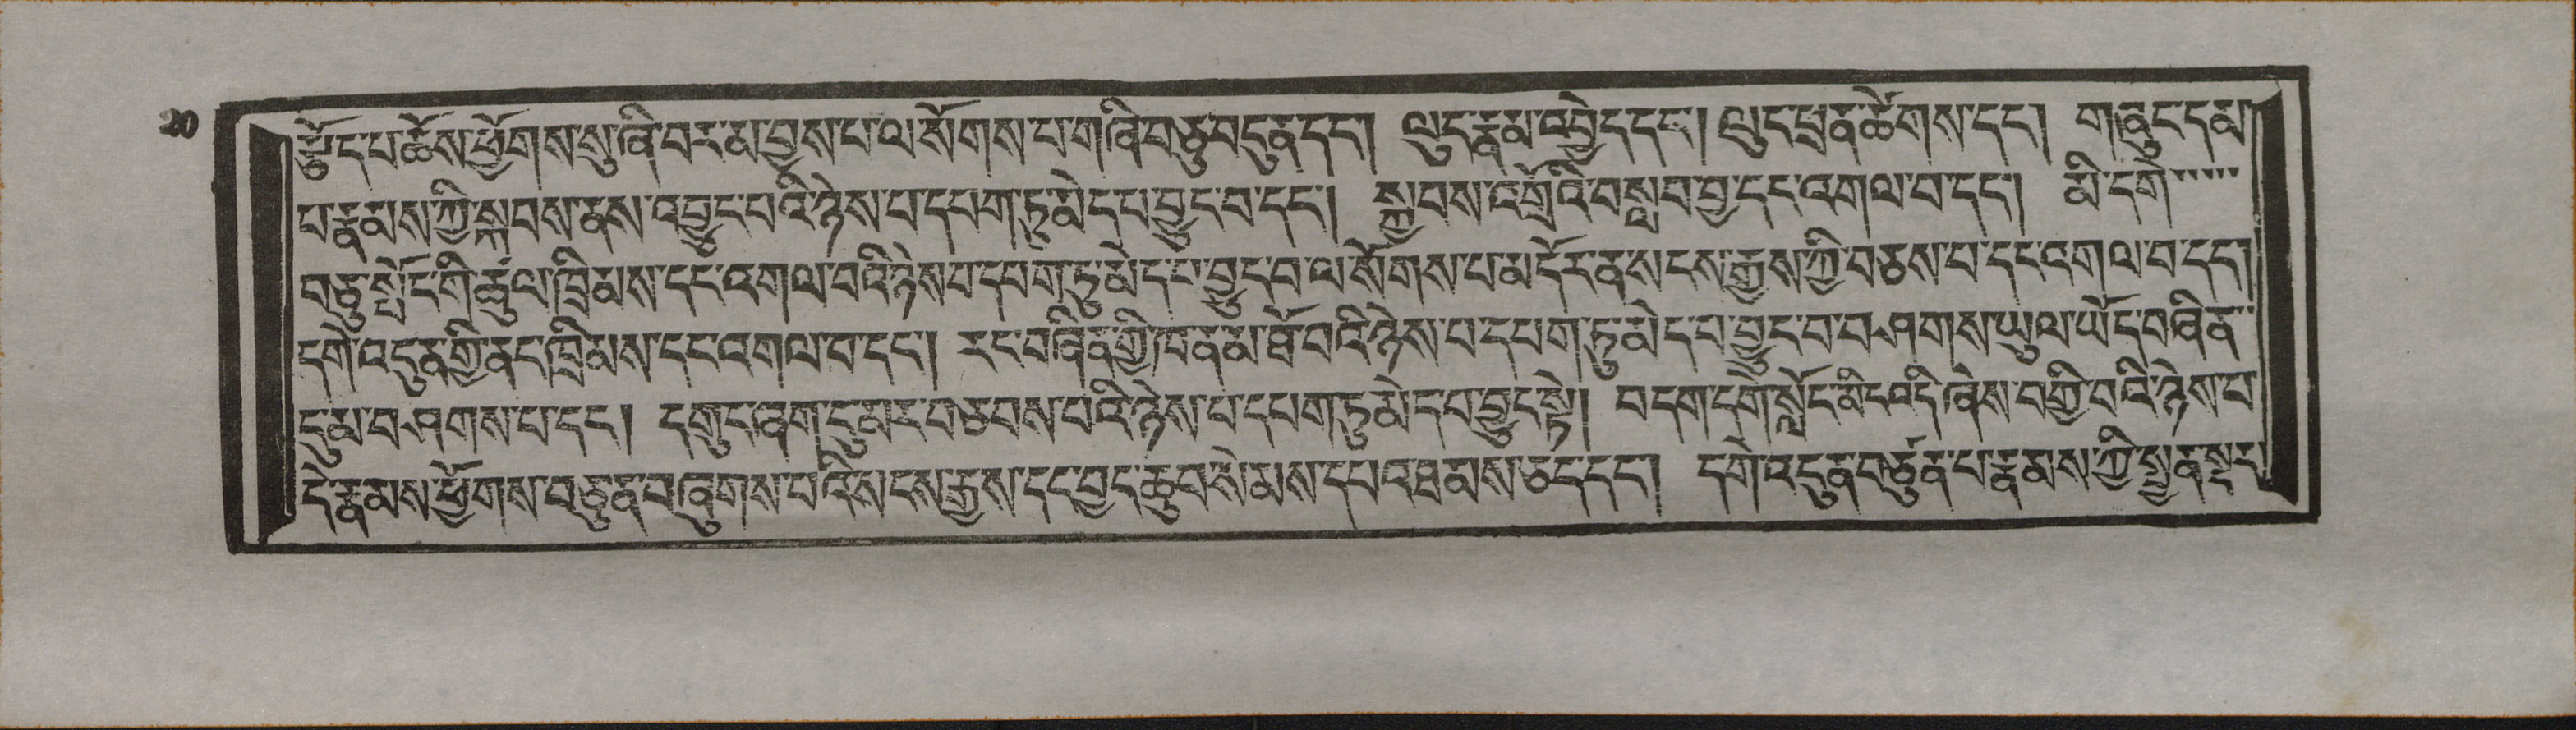རྩོད་པ་ཆོས་ཕྱོགས་སུ་ཞི་བར་མ་བྱས་པ་ལ་སོགས་པ་གཞི་བཅུ་བདུན་དང་། ལུང་རྣམ་འབྱེད་དང་། ལུང་ཕྲན་ཚེགས་དང་། གཞུང་དམ་
པ་རྣམས་ཀྱི་སྐབས་ནས་འབྱུང་བའི་ཉེས་པ་དཔག་ཏུ་མེད་པ་བྱུང་བ་དང་། སྐྱབས་འགྲོའི་བསླབ་བྱ་དང་འགལ་བ་དང་། མི་དགེ་
བཅུ་སྤོང་གི་ཚུལ་ཁྲིམས་དང་འགལ་བའི་ཉེས་པ་དཔག་ཏུ་མེད་པ་བྱུང་བ་ལ་སོགས་པ་མདོར་ན་སངས་རྒྱས་ཀྱི་བཅས་པ་དང་འགལ་བ་དང་།
དགེ་འདུན་གྱི་ནང་ཁྲིམས་དང་འགལ་བ་དང་། རང་བཞིན་གྱི་ཁ་ན་མ་ཐོ་བའི་ཉེས་པ་དཔག་ཏུ་མེད་པ་བྱུང་བ་བཤགས་ཡུལ་ཡོད་བཞིན་
དུ་མ་བཤགས་པ་དང་། དགུང་ཞག་དུ་མར་བཅབས་པའི་ཉེས་པ་དཔག་ཏུ་མེད་པ་བྱུང་སྟེ། བདག་དགེ་སློང་མིང་འདི་ཞེས་བགྱི་བའི་ཉེས་པ་
དེ་རྣམས་ཕྱོགས་བཅུ་ན་བཞུགས་པའི་སངས་རྒྱས་དང་བྱང་ཆུབ་སེམས་དཔའ་ཐམས་ཅད་དང་། དགེ་འདུན་བཙུན་པ་རྣམས་ཀྱི་སྤྱན་སྔ་